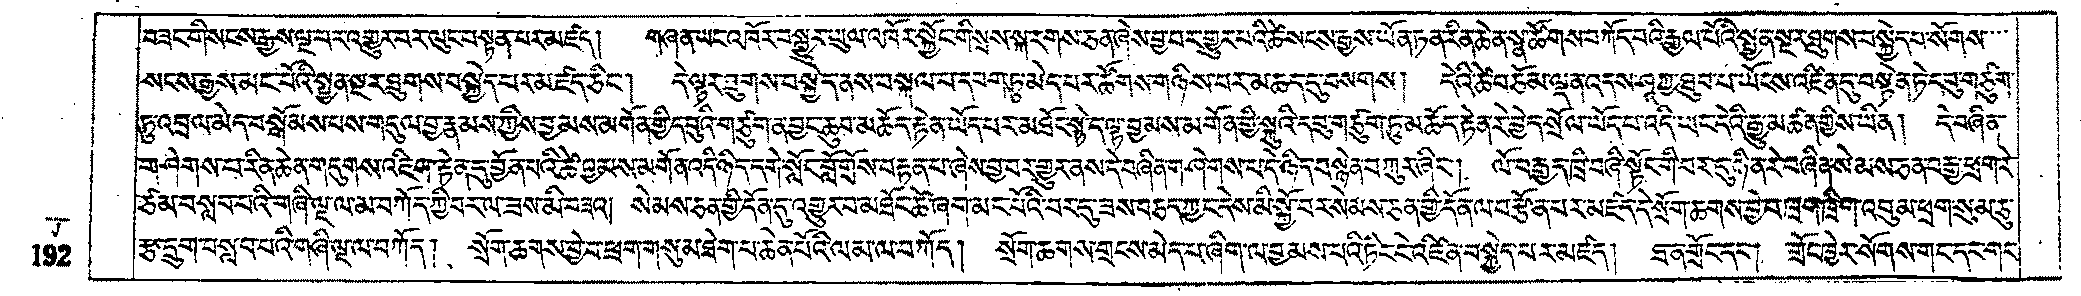བཟང་གི་སངས་རྒྱས་ལྔ་པར་འགྱུར་བར་ལུང་བསྟན་པར་མཛད། གཞན་ཡང་འཁོར་བསྒྱུར་ཡུལ་འཁོར་སྐྱོང་གི་སྲས་སྐ་རགས་ཅན་ཞེས་བྱ་བར་གྱུར་པའི་ཚེ་སངས་རྒྱས་ཡོན་ཏན་རིན་ཆེན་སྣ་ཚོགས་བཀོད་པའི་རྒྱལ་པོའི་སྤྱན་སྔར་ཐུགས་བསྐྱེད་པ་སོགས་་་
སངས་རྒྱས་མང་པོའི་སྤྱན་སྔར་ཐུགས་བསྐྱེད་པར་མཛད་ཅིང་། དེ་ལྟར་ཐུགས་བསྐྱེད་ནས་བསྐལ་པ་དཔག་ཏུ་མེད་པར་ཚོགས་གཉིས་བར་མ་ཆད་དུ་བསགས། དེའི་ཚེ་བཅོམ་ལྡན་འདས་ཤཱཀྱ་ཐུབ་པ་ཡོངས་འཛིན་དུ་བསྟེན་ཏེ་དབུ་གཙུག་
ཏུ་འབྲལ་མེད་བསྒོམས་པས་གདུལ་བྱ་རྣམས་ཀྱིས་བྱམས་མགོན་གྱི་དབུའི་གཙུག་ན་བྱང་ཆུབ་མཆོད་རྟེན་ཡོད་པར་མཐོང་སྟེ་ད་ལྟ་བྱམས་མགོན་གྱི་སྐུའི་དབུ་གཙུག་ཏུ་མཆོག་རྟེན་རེ་བྱེད་སྲོལ་ཡོད་པ་འདི་ཡང་དེའི་རྒྱུ་མཚན་གྱིས་ཡིན། དེ་བཞིན་་་
གཤེགས་པ་རིན་ཆེན་གདུགས་འཇིག་རྟེན་དུ་བྱོན་པའི་ཚེ་བྱམས་མགོན་འདི་ཉིད་དགེ་སློང་བློ་གྲོས་བརྟན་པ་ཞེས་བྱ་བར་གྱུར་ནས་དེ་བཞིན་གཤེགས་པ་དེ་ཉིད་བསྙེན་བཀུར་ཞིང་། ལོ་བརྒྱད་ཁྲི་བཞི་སྟོང་གི་བར་དུ་ཉིད་རེ་བཞིན་སེམས་ཅན་བརྒྱ་ཕྲག་རེ་
ཙམ་བསླབ་པའི་གཞི་ལྔ་ལ་མ་བཀོད་ཀྱི་བར་ལ་ཟས་མི་བཟའ། སེམས་ཅན་གྱི་དོན་དུ་འགྱུར་བ་མཐོང་ཚེ་ཞག་མང་པོའི་བར་དུ་ཟས་བཅད་ཀྱང་དེས་མི་སྐྱོ་བར་སེམས་ཅན་གྱི་དོན་ལ་བརྩོན་པར་མཛད་དེ་སྲོག་ཆགས་བྱེ་བ་ཁྲག་ཁྲིག་འབུམ་ཕྲག་སུམ་ཅུ་
རྩ་དྲུག་བསླབ་པའི་གཞི་ལྔ་ལ་བཀོད། སྲོག་ཆགས་བྱེ་བ་ཕྲག་གསུམ་ཐེག་པ་ཆེན་པོའི་ལམ་ལ་བཀོད། སྲོག་ཆགས་གྲངས་མེད་པ་ཞིག་ལ་བྱམས་པའི་ཏིང་ངེ་འཛིན་བསྐྱེད་པར་མཛད། ཐ་ན་གྲོང་དང་། གྲོང་ཁྱེར་སོགས་གང་དང་གང་